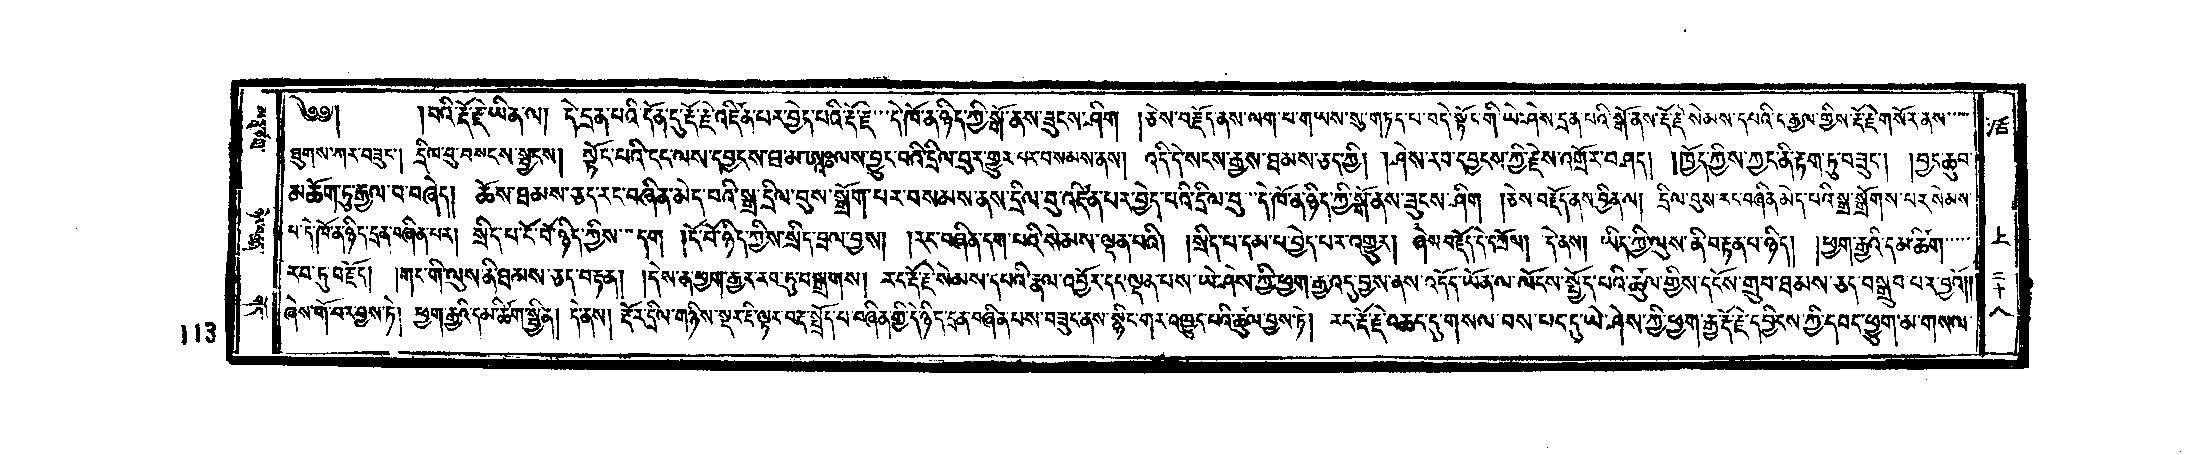༄༅། །བའི་རྡོ་རྗེ་ཡིན་ལ། དེ་དྲན་པའི་དོན་དུ་རྡོ་རྗེ་འཛིན་པར་བྱེད་པའི་རྡོ་རྗེ་དེ་ཁོ་ན་ཉིད་ཀྱི་སྒོ་ནས་ཟུངས་ཤིག །ཅེས་བརྗོད་ནས་ལག་པ་གཡས་སུ་གཏད་པ་བདེ་སྟོང་གི་ཡེ་ཤེས་དྲན་པའི་སྒོ་ནས་རྡོ་རྗེ་སེམས་དཔའི་ང་རྒྱལ་གྱིས་རྡོ་རྗེ་གསོར་ནས་
ཐུགས་ཀར་བཟུང་། དྲིལ་བུ་བསངས་སྦྱངས། སྟོང་པའི་ངང་ལས་དབྱངས་ཐ་མ་ཨཱཿ ལས་བྱུང་བའི་དྲིལ་བུར་གྱུར་པར་བསམས་ནས། འདི་དེ་སངས་རྒྱས་ཐམས་ཅད་ཀྱི། །ཤེས་རབ་དབྱངས་ཀྱི་རྗེས་འགྲོར་བཤད། །ཁྱོད་ཀྱིས་ཀྱང་ནི་རྟག་ཏུ་བཟུང་། །བྱང་ཆུབ་
མཆོག་ཏུ་རྒྱལ་བ་བཞེད། ཆོས་ཐམས་ཅད་རང་བཞིན་མེད་པའི་སྒྲ་དྲིལ་བུས་སྒྲོག་པར་བསམས་ནས་དྲིལ་བུ་འཛིན་པར་བྱེད་པའི་དྲིལ་བུ་དེ་ཁོ་ན་ཉིད་ཀྱི་སྒོ་ནས་ཟུངས་ཤིག །ཅེས་བརྗོད་ནས་བྱིན་ལ། དྲིལ་བུས་རང་བཞིན་མེད་པའི་སྒྲ་སྒྲོགས་པར་སེམས་
པ་དེ་ཁོ་ན་ཉིད་དྲན་བཞིན་པར། སྲིད་པ་ངོ་བོ་ཉིད་ཀྱིས་དག །ངོ་བོ་ཉིད་ཀྱིས་སྲིད་བྲལ་བྱས། །རང་བཞིན་དག་པའི་སེམས་ལྡན་པའི། །སྲིད་པ་དམ་པ་བྱེད་པར་འགྱུར། ཞེས་བརྗོད་དེ་དཀྲོལ། དེ་ནས། ཡིད་ཀྱི་ལུས་ནི་བརྟན་པ་ཉིད། །ཕྱག་རྒྱའི་དམ་ཚིག་
རབ་ཏུ་བརྗོད། །གང་གི་ལུས་ནི་ཐམས་ཅད་བརྟན། །དེས་ན་ཕྱག་རྒྱར་རབ་ཏུ་བསྒྲགས། རང་རྡོ་རྗེ་སེམས་དཔའི་རྣལ་འབྱོར་དང་ལྡན་པས་ཡེ་ཤེས་ཀྱི་ཕྱག་རྒྱ་འདུ་བྱས་ནས་འདོད་ཡོན་ལ་ལོངས་སྤྱོད་པའི་ཚུལ་གྱིས་དངོས་གྲུབ་ཐམས་ཅད་བསྒྲུབ་པར་བྱའོ། །
ཞེས་གོ་བར་བྱས་ཏེ། ཕྱག་རྒྱའི་དམ་ཚིག་སྦྱིན། དེ་ནས། རྡོར་དྲིལ་གཉིས་སྔར་ཇི་ལྟར་བརྡ་སྤྲོད་པ་བཞིན་གྱི་དེ་ཉིད་དྲན་བཞིན་པས་བཟུང་ནས་སྙིང་གར་འཁྱུད་པའི་ཚུལ་བྱས་ཏེ། རང་རྡོ་རྗེ་འཆང་དུ་གསལ་བས་པང་དུ་ཡེ་ཤེས་ཀྱི་ཕྱག་རྒྱ་རྡོ་རྗེ་དབྱིངས་ཀྱི་དབང་ཕྱུག་མ་གསལ་